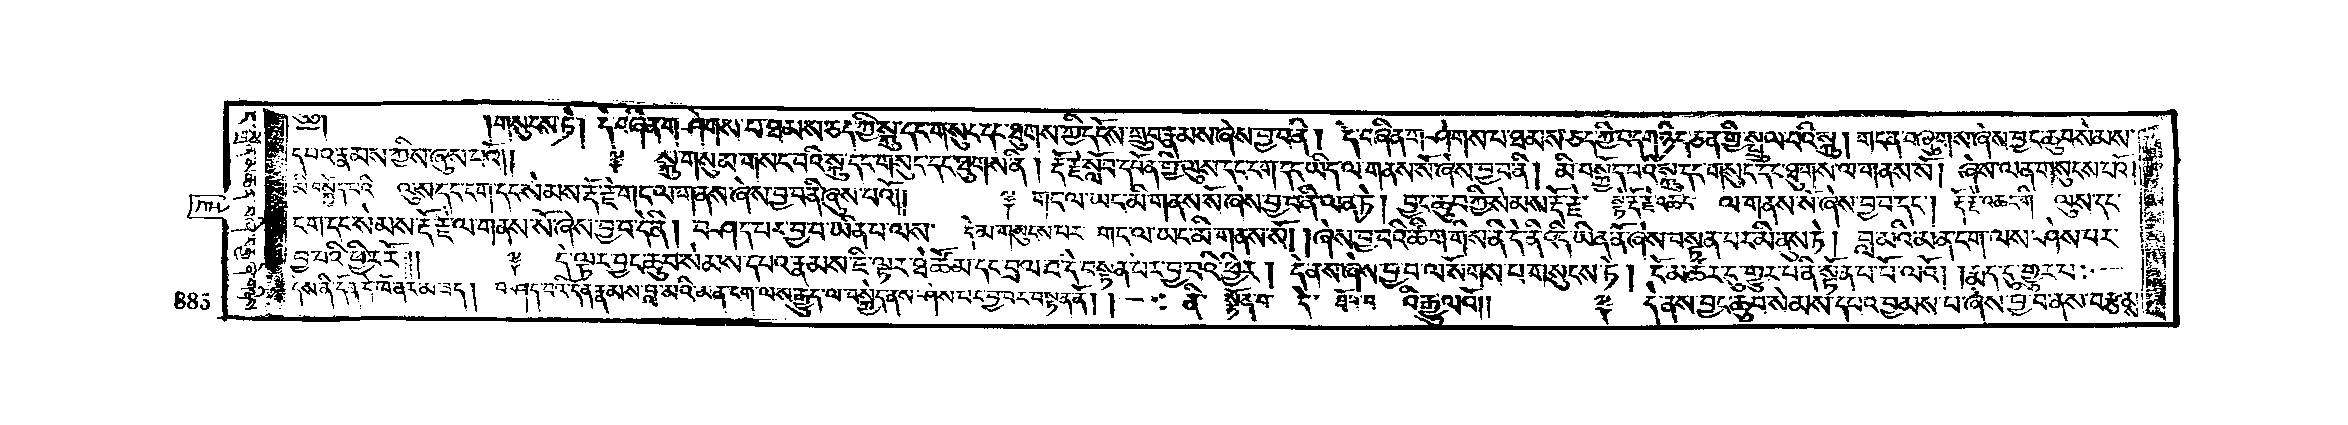༄༅། །གསུངས་ཏེ། དེ་བཞིན་གཤེགས་པ་ཐམས་ཅད་ཀྱི་སྐུ་དང་གསུང་དང་ཐུགས་ཀྱི་དངོས་གྲུབ་རྣམས་ཞེས་བྱ་བ་ནི། དེ་བཞིན་གཤེགས་པ་ཐམས་ཅད་ཀྱི་བདག་ཉིད་ཅན་གྱི་སྤྲུལ་པའི་སྐུ། གང་ན་བཞུགས་ཞེས་བྱང་ཆུབ་སེམས་
དཔའ་རྣམས་ཀྱིས་ཞུས་པའོ།། ༈ སྐུ་གསུམ་གསང་བའི་སྐུ་དང་གསུང་དང་ཐུགས་ནི། རྡོ་རྗེ་སློབ་དཔོན་གྱི་ལུས་དང་ངག་དང་ཡིད་ལ་གནས་སོ་ཞེས་བྱ་བ་ནི། མི་བསྐྱོད་པའི་སྐུ་དང་གསུང་དང་ཐུགས་ལ་གནས་སོ། ཞེས་ལན་གསུངས་པའོ།།
མི་བསྐྱོད་པའི་ལུས་དང་ངག་དང་སེམས་རྡོ་རྗེ་གང་ལ་གནས་ཞེས་བྱ་བ་ནི་ཞུས་པའོ།། ༈ གང་ལ་ཡང་མི་གནས་སོ་ཞེས་བྱ་བ་ནི་ལན་ཏེ། བྱང་ཆུབ་ཀྱི་སེམས་རྡོ་རྗེ་སྟེ་རྡོ་རྗེ་འཆང་ལ་གནས་སོ་ཞེས་བྱ་བ་དང་། རྡོ་རྗེ་འཆང་གི་ལུས་དང་
ངག་དང་སེམས་རྡོ་རྗེ་ལ་གནས་སོ་ཞེས་བྱ་བ་དེ་ནི། བཤད་པར་བྱ་བ་ཡིན་པ་ལས་དེ་མ་གསུངས་པར་གང་ལ་ཡང་མི་གནས་སོ། །ཞེས་བྱ་བའི་ཚིག་གིས་ནི་དེ་ནི་འདི་ཡིན་ནོ་ཞེས་བསྟན་པར་མི་ནུས་ཏེ། བླ་མའི་མན་ངག་ལས་ཤེས་པར་
བྱ་བའི་ཕྱིར་རོ།། ༈ དེ་ལྟར་བྱང་ཆུབ་སེམས་དཔའ་རྣམས་ཇི་ལྟར་ཐེ་ཚོམ་དང་བྲལ་བ་དེ་བསྟན་པར་བྱ་བའི་ཕྱིར། དེ་ནས་ཞེས་བྱ་བ་ལ་སོགས་པ་གསུངས་ཏེ། ངོ་མཚར་དུ་གྱུར་པ་ནི་སྟོན་པ་པོ་ལའོ། །རྨད་དུ་གྱུར་པ་H.
དེས་ནི་དོན་དེ་ཁོ་ནར་མ་ཟད། བཤད་པའི་དོན་རྣམས་བླ་མའི་མན་ངག་ལས་རྒྱུད་ལ་བསྐྱེད་ནས་ཤེས་པར་བྱ་བར་བསྟན་ནོ།།  .H ནི་སྟོན་པ་དེ་ཐོབ་པའི་རྒྱུ་ལའོ།། ༈ དེ་ནས་བྱང་ཆུབ་སེམས་དཔའ་བྱམས་པ་ཞེས་བྱ་བ་ནས་བརྩམས་